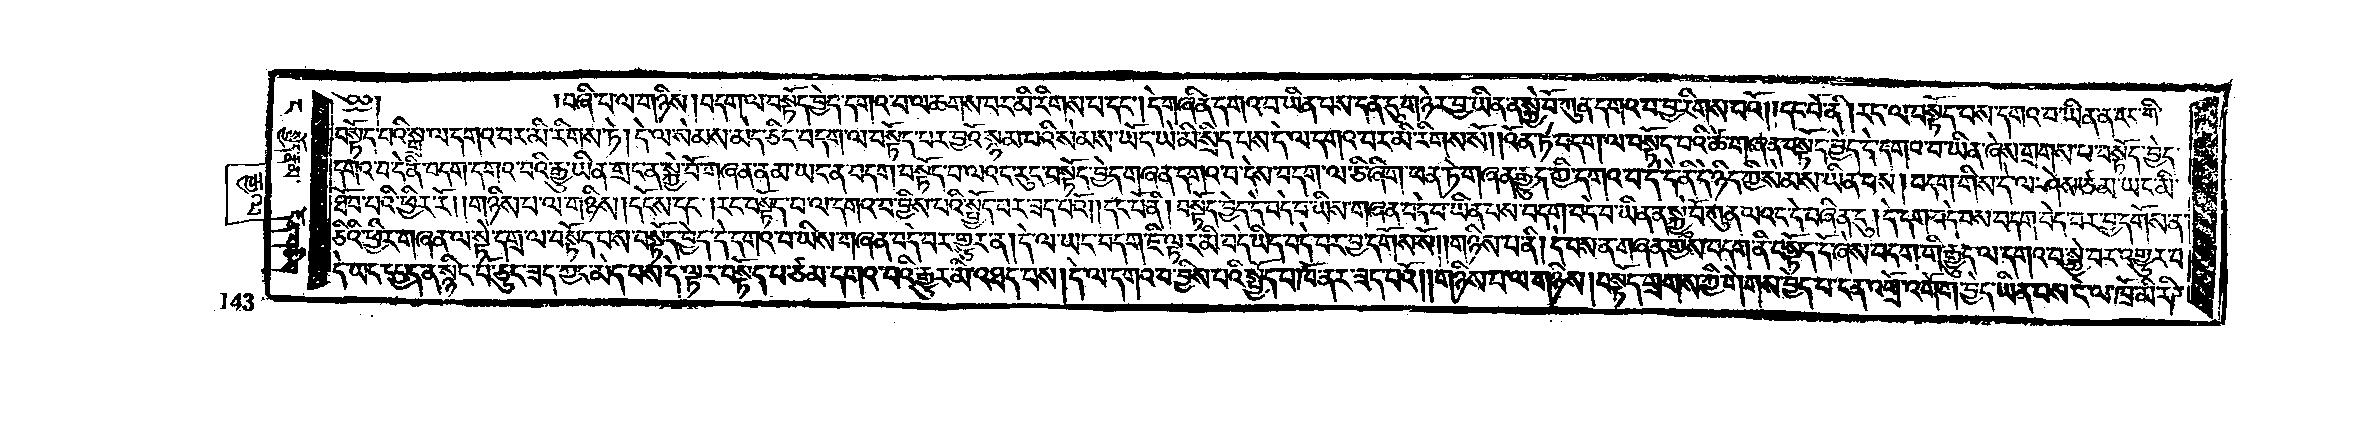༄༅། །བཞི་པ་ལ་གཉིས། བདག་ལ་བསྟོད་བྱེད་དགའ་བ་ལ་ཆགས་པར་མི་རིགས་པ་དང་། དེ་བཞིན་དགའ་བ་ཡིན་པས་དོན་དུ་གཉེར་བྱ་ཡིན་ན་སྐྱེ་བོ་ཀུན་དགའ་བ་བྱ་རིགས་པའོ། །དང་པོ་ནི། རང་ལ་བསྟོད་པས་དགའ་བ་ཡིན་ན་རང་གི་
བསྟོད་པའི་སྒྲ་ལ་དགའ་བར་མི་རིགས་ཏེ། དེ་ལ་སེམས་མེད་ཅིང་བདག་ལ་བསྟོད་པར་བྱའོ་སྙམ་པའི་སེམས་ཡོད་ཡེ་མི་སྲིད་པས་དེ་ལ་དགའ་བར་མི་རིགས་སོ། །འོན་ཏེ་བདག་ལ་བསྟོད་པའི་ཚེ་གཞན་བསྟོད་བྱེད་དེ་དགའ་བ་ཡིན་ཞེས་གྲགས་པ་བསྟོད་བྱེད་
དགའ་བ་དེ་ནི་བདག་དགའ་བའི་རྒྱུ་ཡིན་གྲང་ན་སྐྱེ་བོ་གཞན་ནམ་ཡང་ན་བདག་བསྟོད་པ་ལའང་རུང་བསྟོད་བྱེད་གཞན་དགའ་བ་དེས་བདག་ལ་ཅི་ཞིག་ཕན་ཏེ་གཞན་རྒྱུད་ཀྱི་དགའ་བ་དེ་དེ་ནི་དེ་ཉིད་ཀྱི་སེམས་ཡིན་པས། བདག་གིས་དེ་ལ་ཤེས་ཙམ་ཡང་མི་
ཐོབ་པའི་ཕྱིར་རོ། །གཉིས་པ་ལ་གཉིས། དངོས་དང་། རང་བསྟོད་པ་ལ་དགའ་བ་བྱིས་པའི་སྤྱོད་པར་ཟད་པའོ། །དང་པོ་ནི། བསྟོད་བྱེད་དེ་བདེ་བ་ཡིས་གཞན་བདེ་བ་ཡིན་པས་བདག་བདེ་བ་ཡིན་ན་སྐྱེ་བོ་ཀུན་ལའང་དེ་བཞིན་དུ། དེ་དག་བདེ་བས་བདག་བདེ་བར་བྱ་དགོས་ན་
ཅིའི་ཕྱིར་གཞན་ལ་སྟེ་དགྲ་ལ་བསྟོད་པས་བསྟོད་བྱེད་དེ་དགའ་བ་ཡིས་གཞན་བདེ་བར་གྱུར་ན། དེ་ལ་ཡང་བདག་ཇི་ལྟར་མི་བདེ་ཡིད་བདེ་བར་བྱ་དགོས་སོ། །གཉིས་པ་ནི། དེ་བས་ན་གཞན་གྱིས་བདག་ནི་བསྟོད་དོ་ཞེས་བདག་གི་རྒྱུད་ལ་དགའ་བ་སྐྱེ་བར་འགྱུར་བ་
དེ་ཡང་དཔྱད་ན་སྙིང་པོ་ཅུང་ཟད་ཀྱང་མེད་པས་དེ་ལྟར་བསྟོད་པ་ཙམ་དགའ་བའི་རྒྱུར་མི་འཐད་པས། དེ་ལ་དགའ་བ་བྱིས་པའི་སྤྱོད་པ་ཁོ་ནར་ཟད་པའོ། །གཉིས་པ་ལ་གཉིས། བསྟོད་གྲགས་ཀྱི་གེགས་བྱེད་པ་ངན་འགྲོ་འགོག་བྱེད་ཡིན་པས་དེ་ལ་ཁྲོ་མི་རིགས་